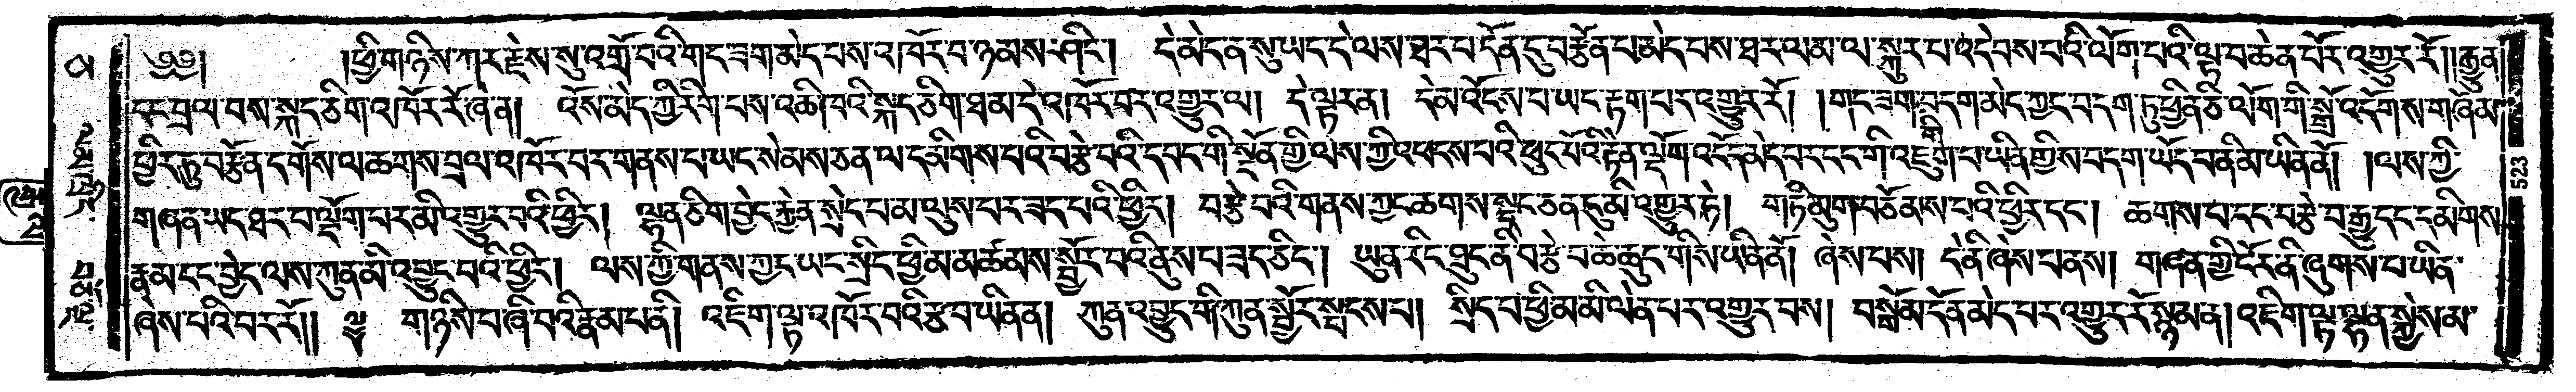༄༅། །ཕྱི་གཉིས་ཀར་རྗེས་སུ་འགྲོ་བའི་གང་ཟག་མེད་པས་འཁོར་བ་ཉམས་ཤིང་། དེ་མེད་ན་སུ་ཡང་དེ་ལས་ཐར་པ་དོན་དུ་བརྩོན་པ་མེད་པས་ཐར་ལམ་ལ་སྐུར་པ་འདེབས་པའི་ལོག་པའི་ལྟ་བ་ཆེན་པོར་འགྱུར་རོ། །རྒྱུན་
དང་བྲལ་བས་སྐད་ཅིག་འཁོར་རོ་ཞེ་ན། འོས་མེད་ཀྱི་རིག་པས་འཆི་ཁའི་སྐད་ཅིག་ཐ་མ་དེ་འཁོར་བར་འགྱུར་ལ། དེ་ལྟར་ན། དེ་མ་འོངས་པ་ཡང་རྟག་པར་འགྱུར་རོ། །གང་ཟག་གི་བདག་མེད་ཀྱང་བདག་ཏུ་ཕྱིན་ཅི་ལོག་གི་སྒྲོ་འདོགས་གཞོམ་?
ཕྱིར་ཏུ་བརྩོན་དགོས་ལ་ཆགས་བྲལ་འཁོར་བར་གནས་པ་ཡང་སེམས་ཅན་ལ་དམིགས་པའི་བརྩེ་བའི་དབང་གི་སྔོན་གྱི་ལས་ཀྱི་འཕངས་པའི་ཕུང་པོའི་རྟེན་ལྡོག་འདོད་མེད་པར་དང་གི་འཇུག་པ་ཡིན་གྱིས་བདག་ཡོད་པ་ནི་མ་ཡིན་ནོ། །ལས་ཀྱི་
གཞན་ཡང་ཐར་པ་ལྡོག་པར་མི་འགྱུར་པའི་ཕྱིར། ལྷན་ཅིག་བྱེད་རྐྱེན་སྲེད་པ་མ་ལུས་པར་ཟད་པའི་ཕྱིར། བརྩེ་བའི་གནས་ཀྱང་ཆགས་སྡང་ཅན་དུ་མི་འགྱུར་ཏེ། གཏི་མུག་བཅོམས་པའི་ཕྱིར་དང་། ཆགས་པ་དང་བརྩེ་བ་རྒྱུ་དང་དམིགས་
རྣམ་དང་བྱེད་ལས་ཀུན་མི་འབྱུང་བའི་ཕྱིར། ལས་ཀྱི་གནས་ཀྱང་ཡང་སྲིད་ཕྱི་མ་མཚམས་སྦྱོར་བའི་ནུས་པ་ཟད་ཅིང་། ཡུན་རིང་ཐུང་ནི་བརྩེ་བ་ཆེ་ཆུང་གིས་ཡིན་ནོ། ཞེས་པས། དེ་ནི་ཞེས་པ་ནས། གཞན་གྱི་ངོར་ནི་ཞུགས་པ་ཡིན་
ཞེས་པའི་བར་རོ།། ༈ གཉིས་པ་ཞི་བའི་རྣམ་པ་ནི། འཇིག་ལྟ་འཁོར་བའི་རྩ་བ་ཡིན་ན། ཀུན་འབྱུང་གི་ཀུན་སྦྱོར་སྤངས་པ། སྲིད་པ་ཕྱི་མ་མི་ལེན་པར་འགྱུར་བས། བསྒོམ་དོན་མེད་པར་འགྱུར་རོ་སྙམ་ན། འཇིག་ལྟ་ལྷན་སྐྱེས་མ་